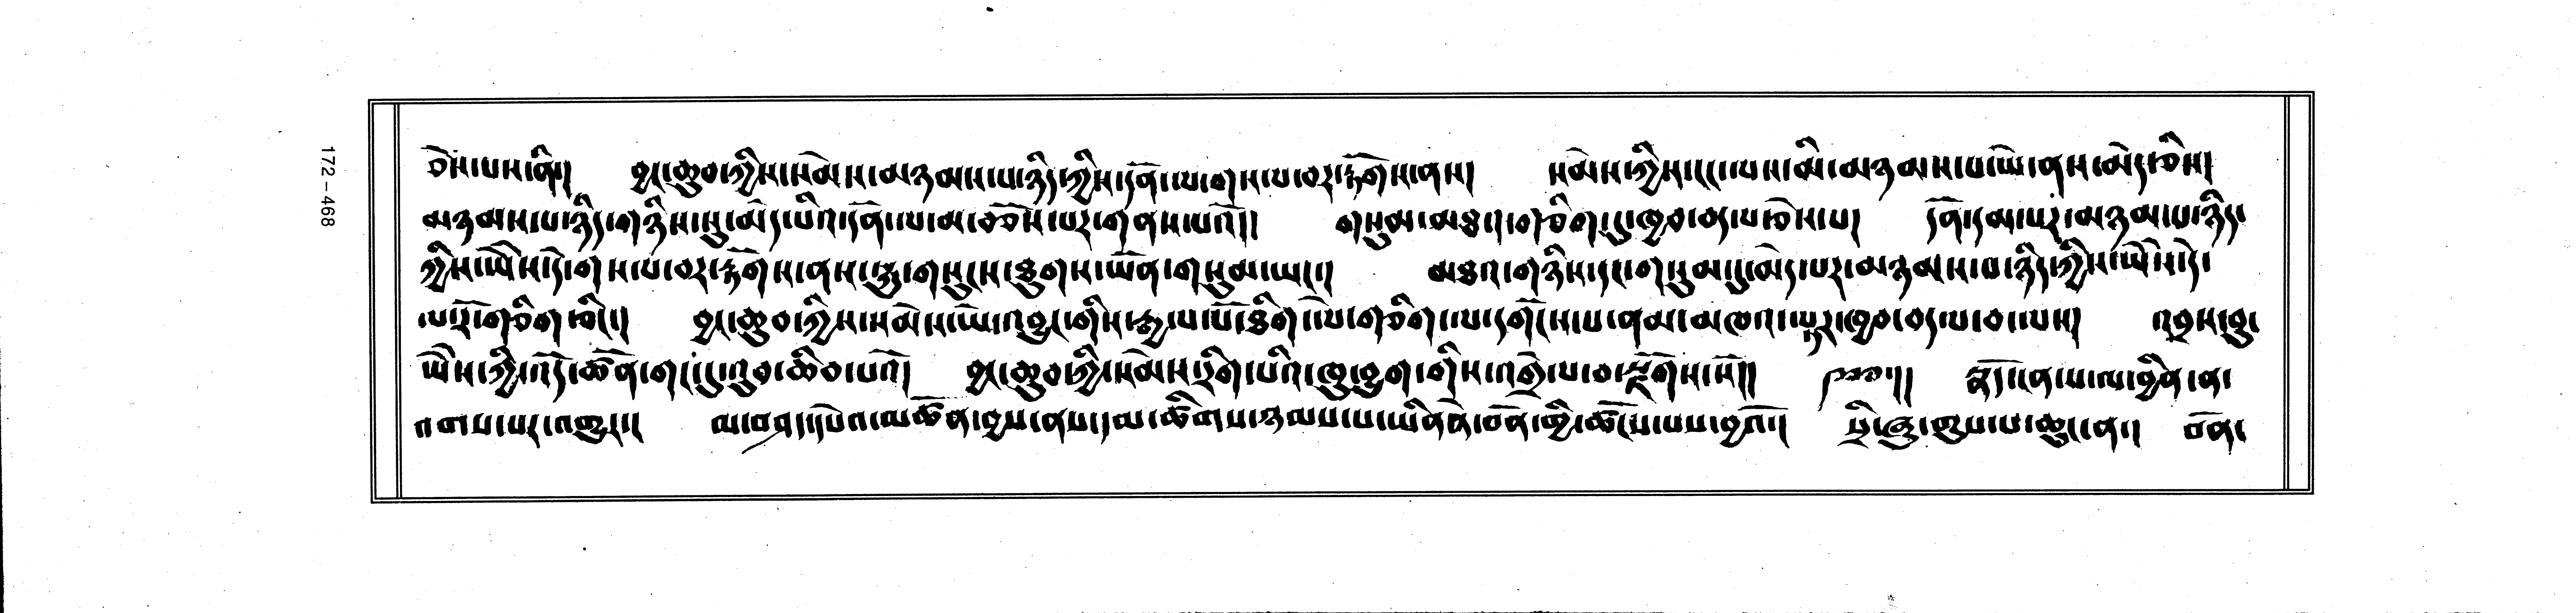ཅེས་པས་ནི། བྱང་ཆུབ་ཀྱིས་སེམས་མཉམ་པ་ཉིད་ཀྱིས་དོན་ལ་གསལ་བར་རྟོགས་ནས། སེམས་ཀྱིས་ངང་ལས་མི་མཉམ་པ་ཡེ་ནས་མེད་ཅེས། 
མཉམ་པ་ཉིད་གཉིས་སུ་མེད་པའི་དོན་ལ་མ་བཅོས་པར་གནས་པའོ། གསུམ་མཐའ་གཅིག་དུ་ཁྱབ་བདལ་ཅེས་པ། དོན་དམ་པར་མཉམ་པ་ཉིད་
ཀྱིས་ཡེ་ཤེས་དེ་གསལ་བར་རྟོགས་ནས་སྐུ་གསུངས་ཐུགས་ཡོན་གསུམ་ཡང་། མཐའ་གཉིས་དང་གསུམ་དུ་མེད་པར་མཉམ་པ་ཉིད་ཀྱིས་ཡེ་ཤེས་དེ་
ལ་རོ་གཅིག་ཅིང་། བྱང་ཆུབ་ཀྱིས་སེམས་ཡེ་འབྱུང་གི་རྒྱལ་པོ་ཐིག་ལེ་གཅིག་ལ་དགོངས་པ་ནམ་མཁའ་ལྟར་ཁྱབ་བདལ་བ་ལས། འབྲས་བུ་
ཡེ་ཤེས་ཀྱི་འོད་ཚོན་གང་དུ་འུབ་ཆིབ་པའོ། བྱང་ཆུབ་ཀྱིས་སེམས་རིག་པའི་ཁུ་བྱུག་གིས་འགྲེལ་བ་རྫོགས་སོ། སྣོད་ངན་པ་ལ་བྱིན་ན་
འགས་པར་འགྱུར། མ་བཤད་དཔེའ་མཚོན་བྱས་ནས་དམ་ཚིགས་ཉམས་པ་ཡིན་བོན་གྱི་ཚོངས་པས་བྱའོ། སྲི་ཞུ་གུས་པ་ཆུང་ན། བོན་